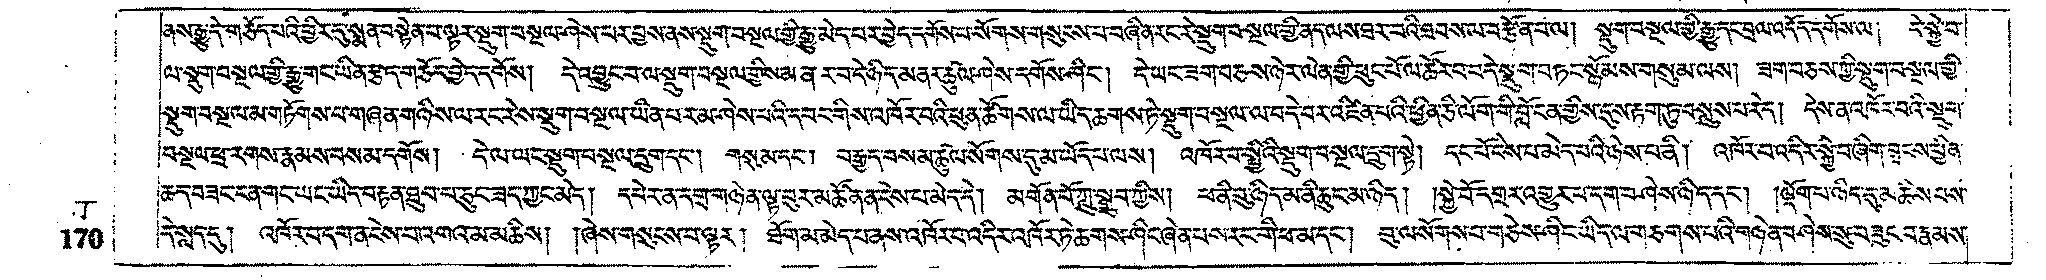ནས་རྒྱུ་དེ་གཅོད་པའི་ཕྱིར་དུ་སྨན་བསྟེན་པ་ལྟར་སྡུག་བསྔལ་ཤེས་པར་བྱས་ནས་སྡུག་བསྔལ་གྱི་རྒྱུ་མེད་པར་བྱེད་དགོས་པ་སོགས་གསུངས་པ་བཞིན་རང་རེ་སྡུག་བསྔལ་གྱི་ནད་ལས་ཐར་བའི་ཐབས་ལ་བརྩོན་པ་ལ། སྡུག་བསྔལ་གྱི་རྒྱུ་དང་བྲལ་འདོད་དགོས་ལ། དེ་སྐྱེ་བ་
ལ་སྡུག་བསྔལ་གྱི་རྒྱུ་གང་ཡིན་རྩད་གཅོད་བྱེད་དགོས། དེ་འབྱུང་བ་ལ་སྡུག་བསྔལ་གྱིས་མནར་བ་དེ་ཉིད་མནར་ཚུལ་ཤེས་དགོས་ཤིང་། དེ་ཡང་ཟག་བཅས་ཉེར་ལེན་གྱི་ཕུང་པོ་ལ་ཚོར་བ་བདེ་སྡུག་བཏང་སྙོམས་གསུམ་ལས། ཟག་བཅས་ཀྱི་སྡུག་བསྔལ་གྱི་
སྡུག་བསྔལ་མ་གཏོགས་པ་གཞན་གཉིས་ལ་རང་རེས་སྡུག་བསྔལ་ཡིན་པར་མ་ཤེས་པའི་དབང་གིས་འཁོར་བའི་ཕུན་ཚོགས་ལ་ཡིད་ཆགས་ཏེ་སྡུག་བསྔལ་བདེ་བར་འཛིན་པའི་ཕྱིན་ཅི་ལོག་གི་བློ་ངན་གྱིས་དུས་རྟག་ཏུ་བསླུས་པ་རེད། དེས་ན་འཁོར་བའི་སྡུག་
བསྔལ་ཕྲ་རགས་རྣམས་བསམ་དགོས། དེ་ལ་ཡང་སྡུག་བསྔལ་དྲུག་དང་། གསུམ་དང་། བརྒྱད་བསམ་ཚུལ་སོགས་དུ་མ་ཡོད་པ་ལས། འཁོར་བ་སྤྱིའི་སྡུག་བསྔལ་དྲུག་སྟེ། དང་པོ་ངེས་པ་མེད་པའི་ཉེས་པ་ནི། འཁོར་བ་འདིར་སྐྱེ་བ་ཞིག་བླངས་ཕྱིན་
ཆད་བཟང་ངན་གང་ཡང་ཡིད་བརྟན་ཐུབ་པ་ཅུང་ཟད་ཀྱང་མེད། དཔེར་ན་དགྲ་གཉེན་ལྟ་བུར་མཚོན་ན་ངེས་པ་མེད་དེ། མགོན་པོ་ཀླུ་སྒྲུབ་ཀྱིས། ཕ་ནི་བུ་ཉིད་མ་ནི་ཆུང་མ་ཉིད། །སྐྱེ་བོ་དགྲར་འགྱུར་པ་དག་བཤེས་ཉིད་དང་། །ལྡོག་པ་ཉིད་དུ་མཆིས་པས་
དེ་སླད་དུ། འཁོར་བ་དག་ན་ངེས་པ་འགའ་མ་མཆིས། །ཞེས་གསུངས་པ་ལྟར། ཐོག་མ་མེད་པ་ནས་འཁོར་བ་འདིར་འཁོར་ཏེ་ཆགས་ཤིང་ཞེན་པས་རང་གི་ཕ་མ་དང་། བུ་ལ་སོགས་པ་གཅེས་ཤིང་ཡིད་ལ་གཅགས་པའི་གཉེན་བཤེས་སུ་བཟུང་བ་རྣམས་